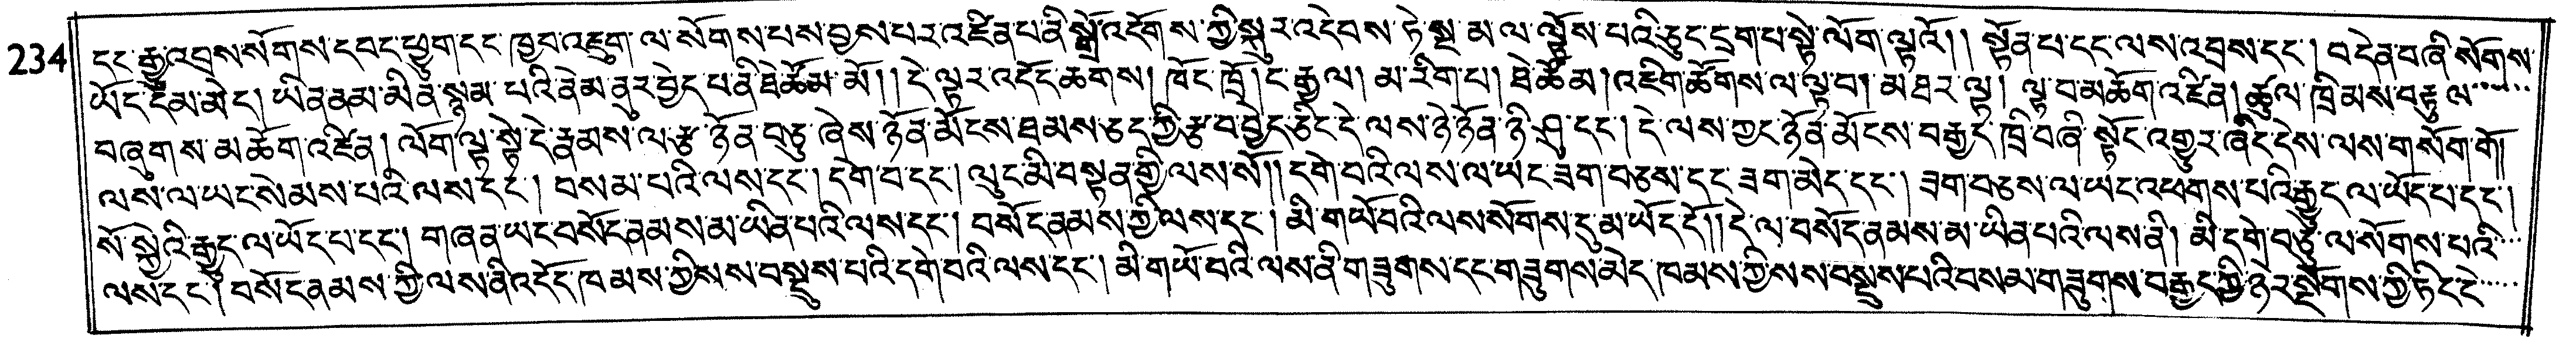དང་རྒྱུ་འབྲས་སོགས་དབང་ཕྱུག་དང་། ཁྱབ་འཇུག་ལ་སོགས་པས་བྱས་པར་འཛིན་པ་ནི་སྒྲོ་འདོགས་ཀྱི་སྐུར་འདེབས་ཏེ་སྔ་མ་ལ་ལྟོས་པའི་ཅུང་དྲག་པ་སྟེ་ལོག་ལྟའོ། །སྟོན་པ་དང་ལས་འབྲས་དང་། བདེན་བཞི་སོགས་
ཡོད་དམ་མེད། ཡིན་ནམ་ཡིན་སྙམ་པའི་ནེམ་ནུར་བྱེད་པ་ནི་ཐེ་ཚོམ་མོ། །དེ་ལྟར་འདོད་ཆགས། ཁོང་ཁྲོ། ང་རྒྱལ། མ་རིག་པ། ཐེ་ཚོམ། འཇིག་ཚོགས་ལ་ལྟ་བ། མཐར་ལྟ། ལྟ་བ་མཆོག་འཛིན། ཚུལ་ཁྲིམས་བརྟུལ་
བཞུགས་མཆོག་འཛིན། ལོག་ལྟ་སྟེ་དེ་རྣམས་ལ་རྩ་ཉོན་བཅུ་ཞེས་ཉོན་མོངས་ཐམས་ཅད་ཀྱི་རྩ་བ་བྱེད་ཅིང་དེ་ལས་ཉེ་ཉོན་ཉི་ཤུ་དང་། དེ་ལས་ཀྱང་ཉོན་མོངས་བརྒྱད་ཁྲི་བཞི་སྟོང་འགྱུར་ཞིང་དེས་ལས་གསོག་གོ།
ལས་ལ་ཡང་སེམས་པའི་ལས་དང་། བསམ་པའི་ལས་དང་། དགེ་བ་དང་། ལུང་མི་བསྟན་གྱི་ལས་སོ། །དགེ་བའི་ལས་ལ་ཡང་ཟག་བཅས་དང་ཟག་མེད་དང་། ཟག་བཅས་ལ་ཡང་འཕགས་པའི་རྒྱུད་ལ་ཡོད་པ་དང་།
སོ་སྐྱེའི་རྒྱུད་ལ་ཡོད་པ་དང་། གཞན་ཡང་བསོད་ནམས་མ་ཡིན་པའི་ལས་དང་། བསོད་ནམས་ཀྱི་ལས་དང་། མི་གཡོ་བའི་ལས་སོགས་དུ་མ་ཡོད་དོ། །དེ་ལ་བསོད་ནམས་མ་ཡིན་པའི་ལས་ནི། མི་དགེ་བཅུ་ལ་སོགས་པའི་
ལས་དང་། བསོད་ནམས་ཀྱི་ལས་ནི་འདོད་ཁམས་ཀྱིས་ས་བསྡུས་པའི་དགེ་བའི་ལས་དང་། མི་གཡོ་བའི་ལས་ནི་གཟུགས་དང་གཟུགས་མེད་ཁམས་ཀྱི་སས་བསྡུས་པའི་བསམ་གཟུགས་བརྒྱད་ཀྱི་ཉེར་སྡོགས་ཀྱི་ཏིང་ངེ་